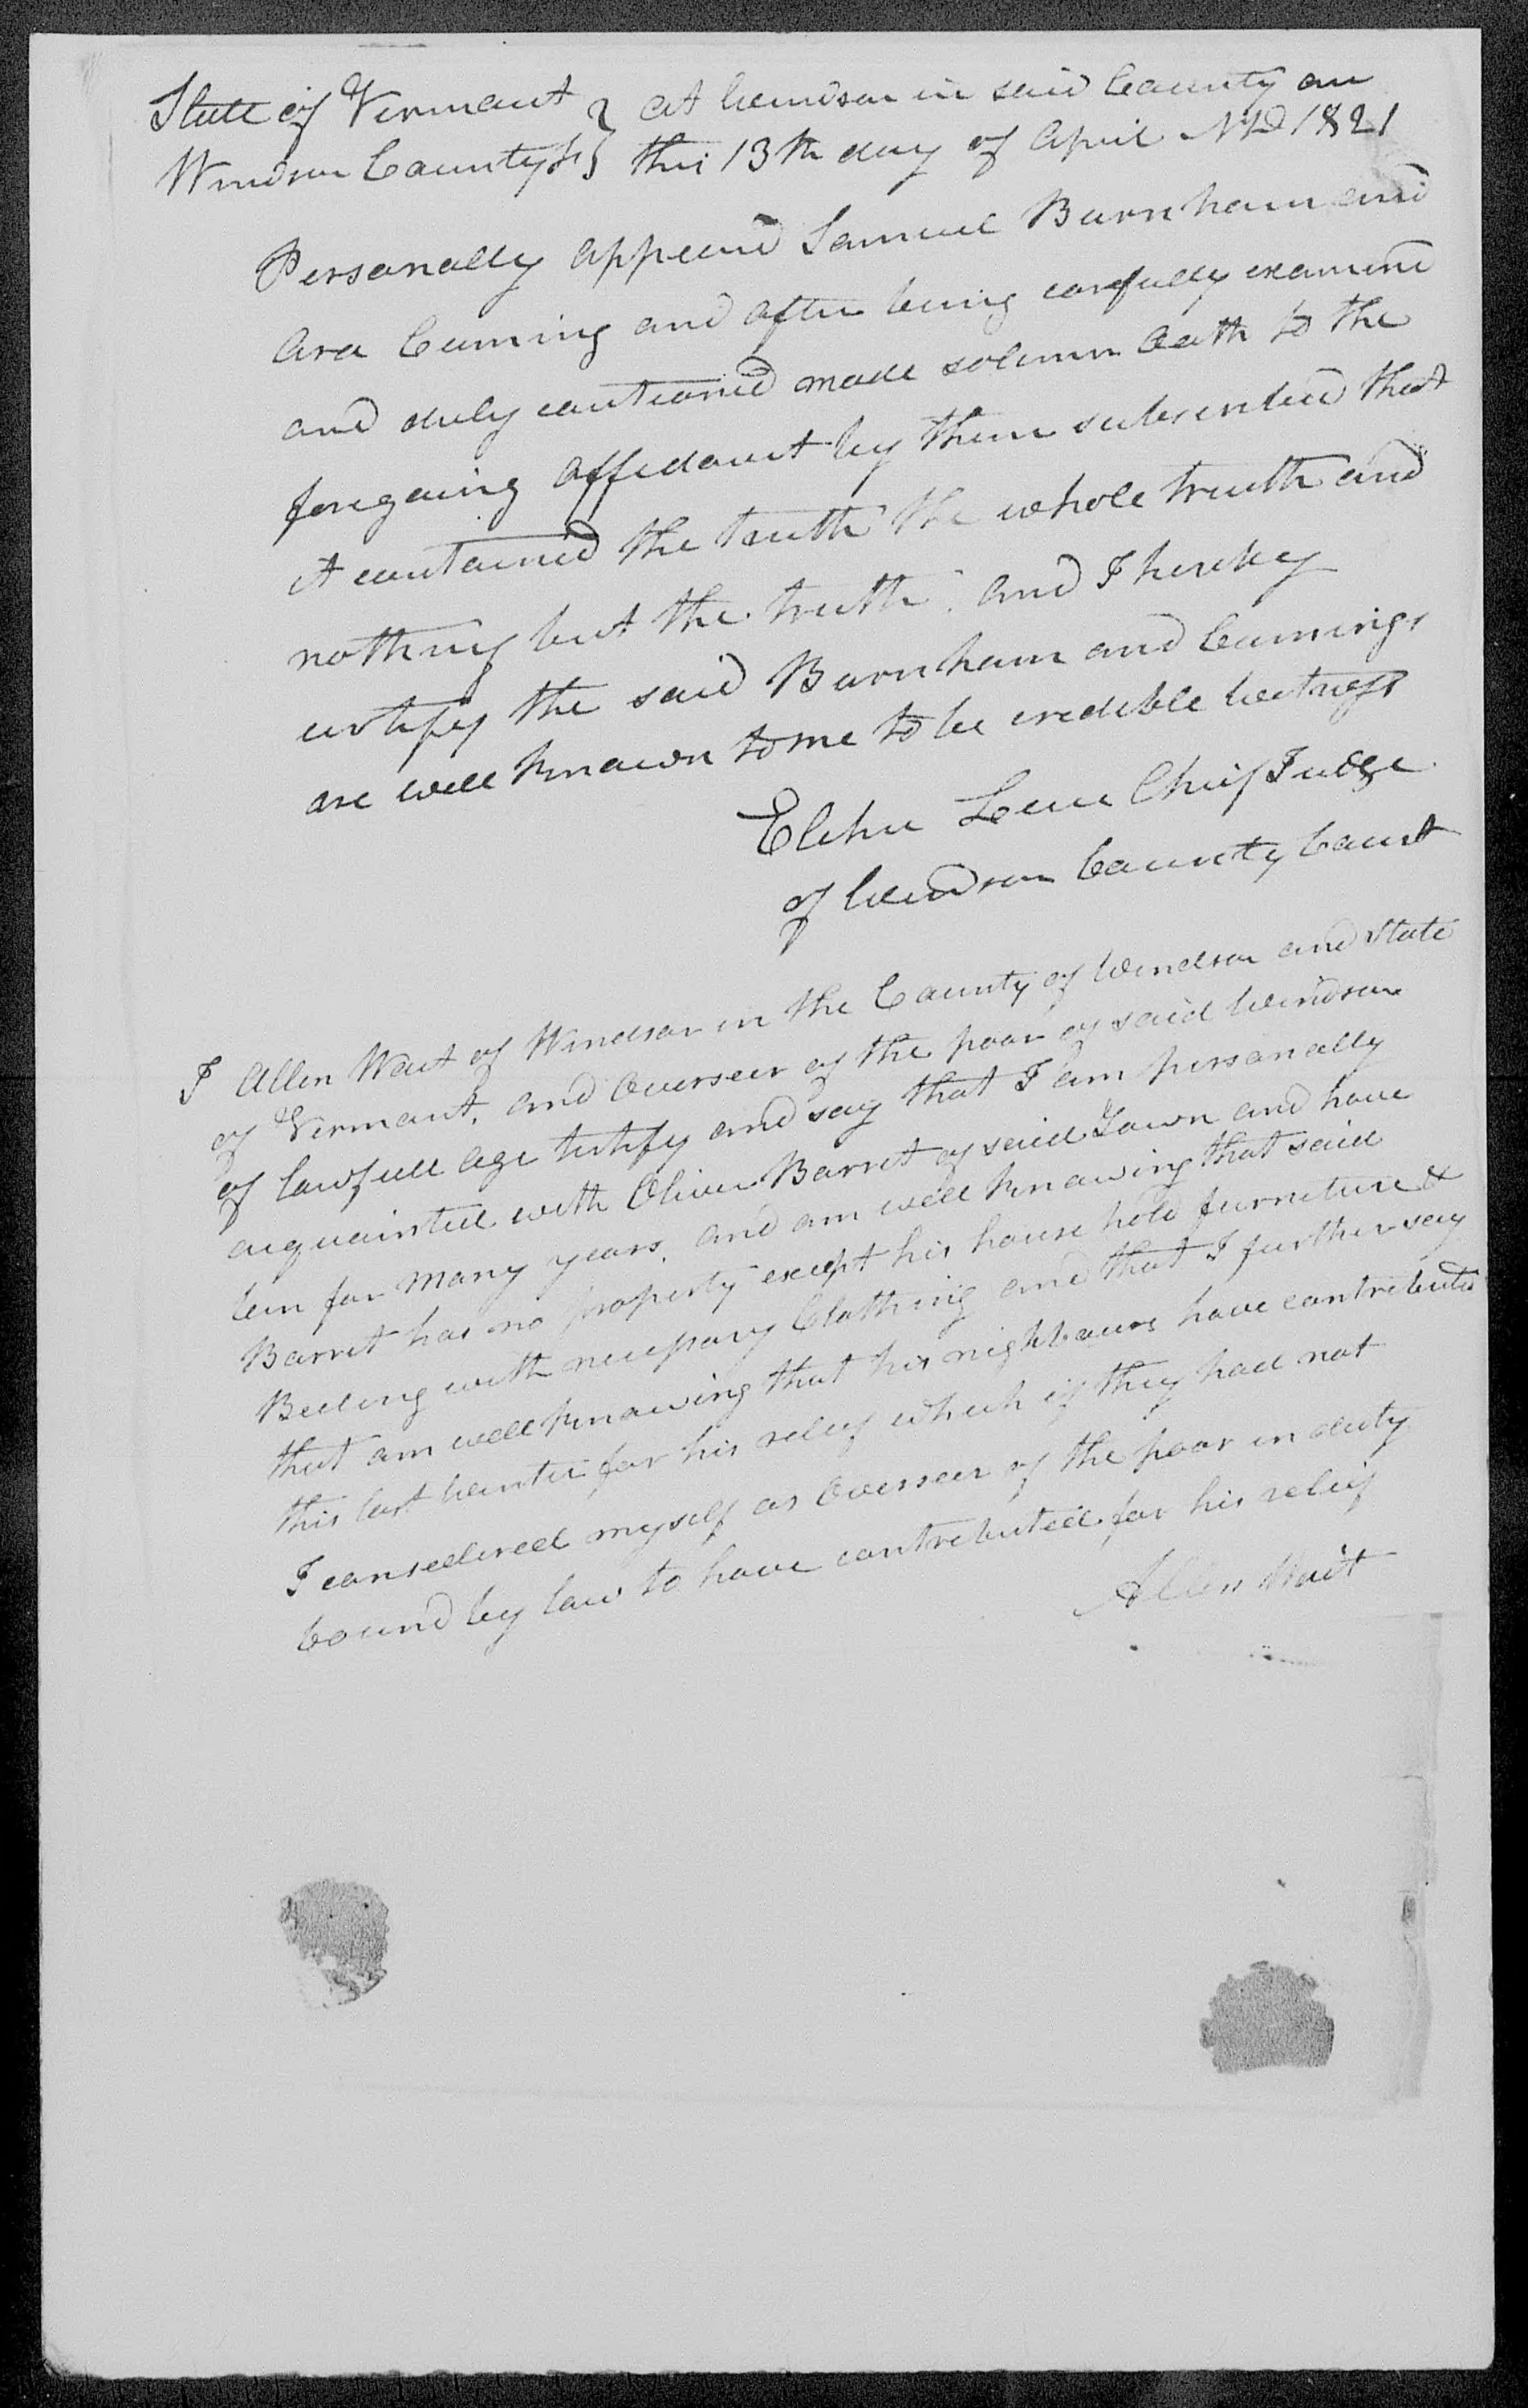State of Vermont
Windsor County ss} At Windsor in said County on this 13th day of April AD 1821 personally appeared Samuel Burnham and Asa Cumming and after being lawfully examined and duly cautioned made solemn oath to the foregoing affidavit by them subscribed that it contained the truth the whole truth and nothing but the truth. And I hereby certify that the said Burnham and Cummings are well known to me to be credible witnesses. 
Elihu Luce Chief Judge
of the Windsor County Court

I Allen Wait of Windsor in the County of Windsor and State of Vermont and overseer of the poor of said Windsor of lawful age testify and say that I am personally acquainted with Oliver Barret of said Town and have been for many years. And I am well knowing that said Barret has no property except his household furniture and Beelery with necessary clothing and that I further say that I am well knowing that his neighbors have contributed this last winter for his relief which if they had not I considered myself as Overseer of the poor in duty bound by law to have contributed for his relief.
Allen Wait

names: Ara Cuming, Allen Wait, Samuel Burnham, Oliver Barret, Allen Wait, Barret, Elihu Luce, Burnham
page: 26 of 83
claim: widow's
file: W. 10,384, Oliver Barrett, Continental (Vt.) N.Y.